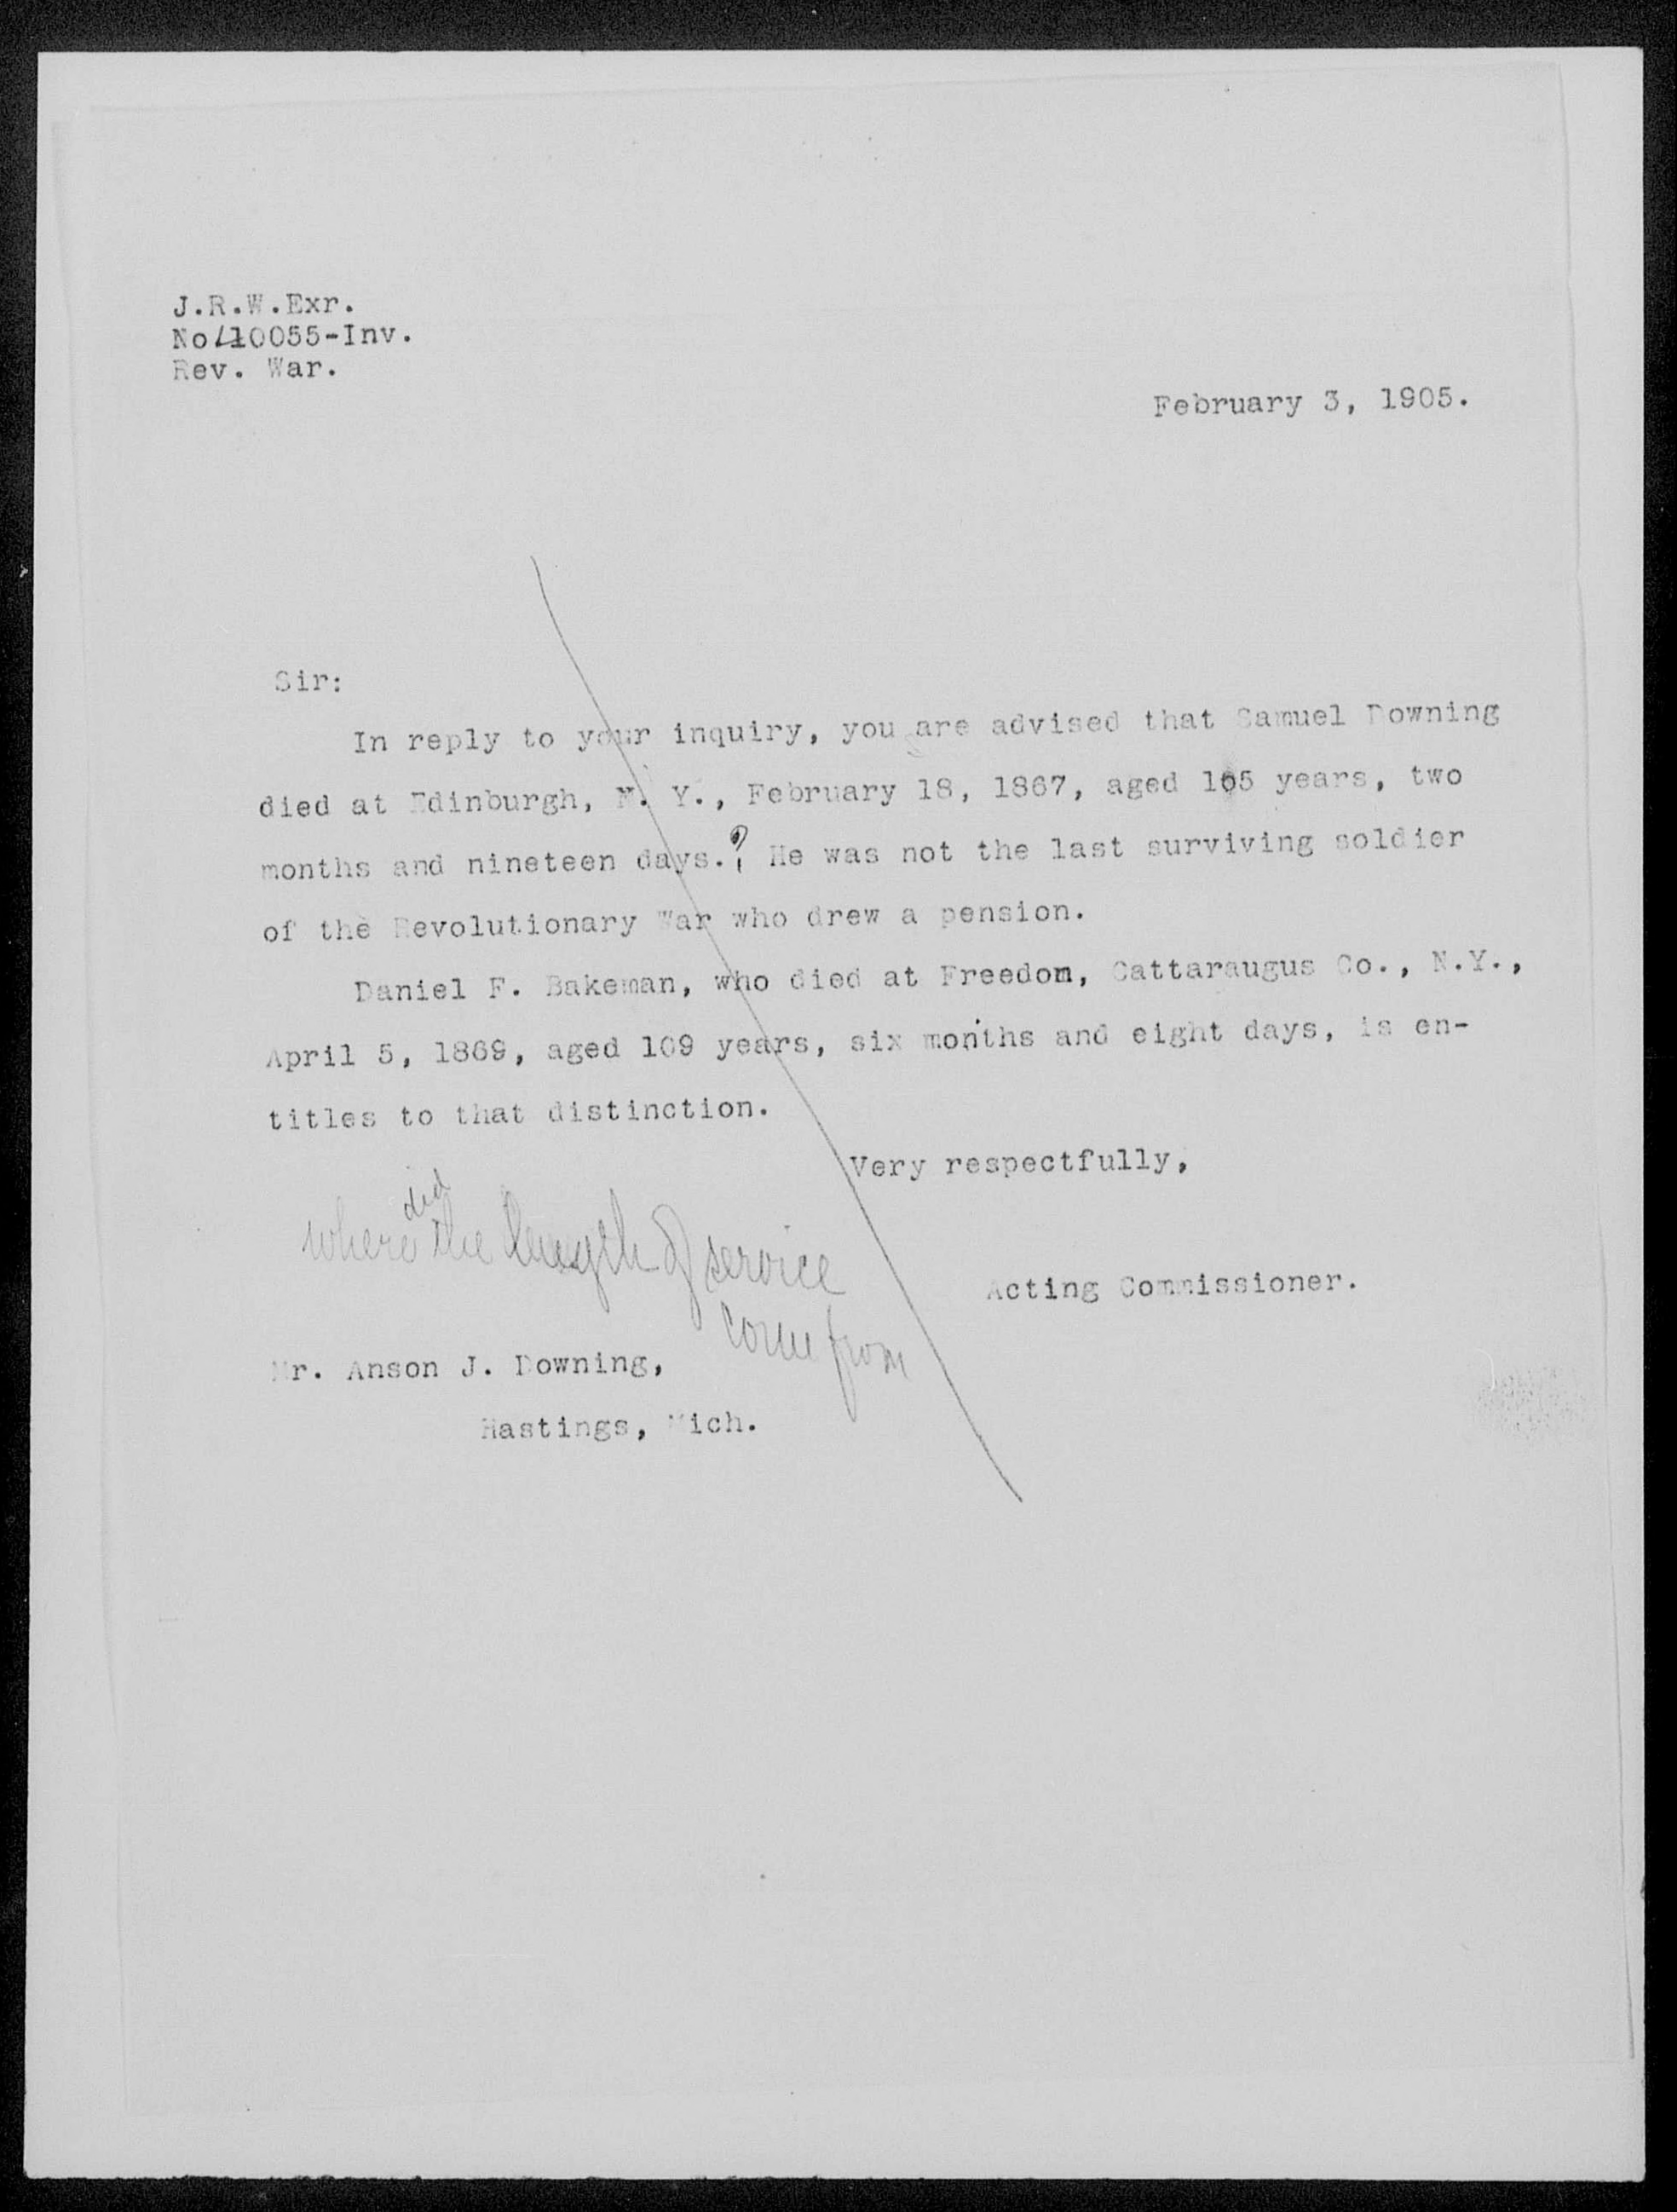J.R.W.Exr.
No 10055-Inv.
Rev. War.
February 3, 1905
Sir:
In reply to your inquiry, you are advised that Samuel Downing died at Edinburgh, N.Y., February 18, 1867, aged 105 years, two months and nineteen days. ? He was not the last surviving soldier of the Revolutionary War who drew a pension.
Daniel F. Bakeman, who died at Freedom, Cattaraugus Co., N.Y.April 5, 1869 years, six months and eight days, is entitled to that distinction. 
Very respectfully,
Acting Commissioner 
where did the length of service come from
Mr. A son J. Downing,
Hastings, Mich.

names: Samuel Downing, Anson J Downing, Daniel F Bakeman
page: 23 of 56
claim: survivor's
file: S. 40,055, Samuel Downing, N.H.